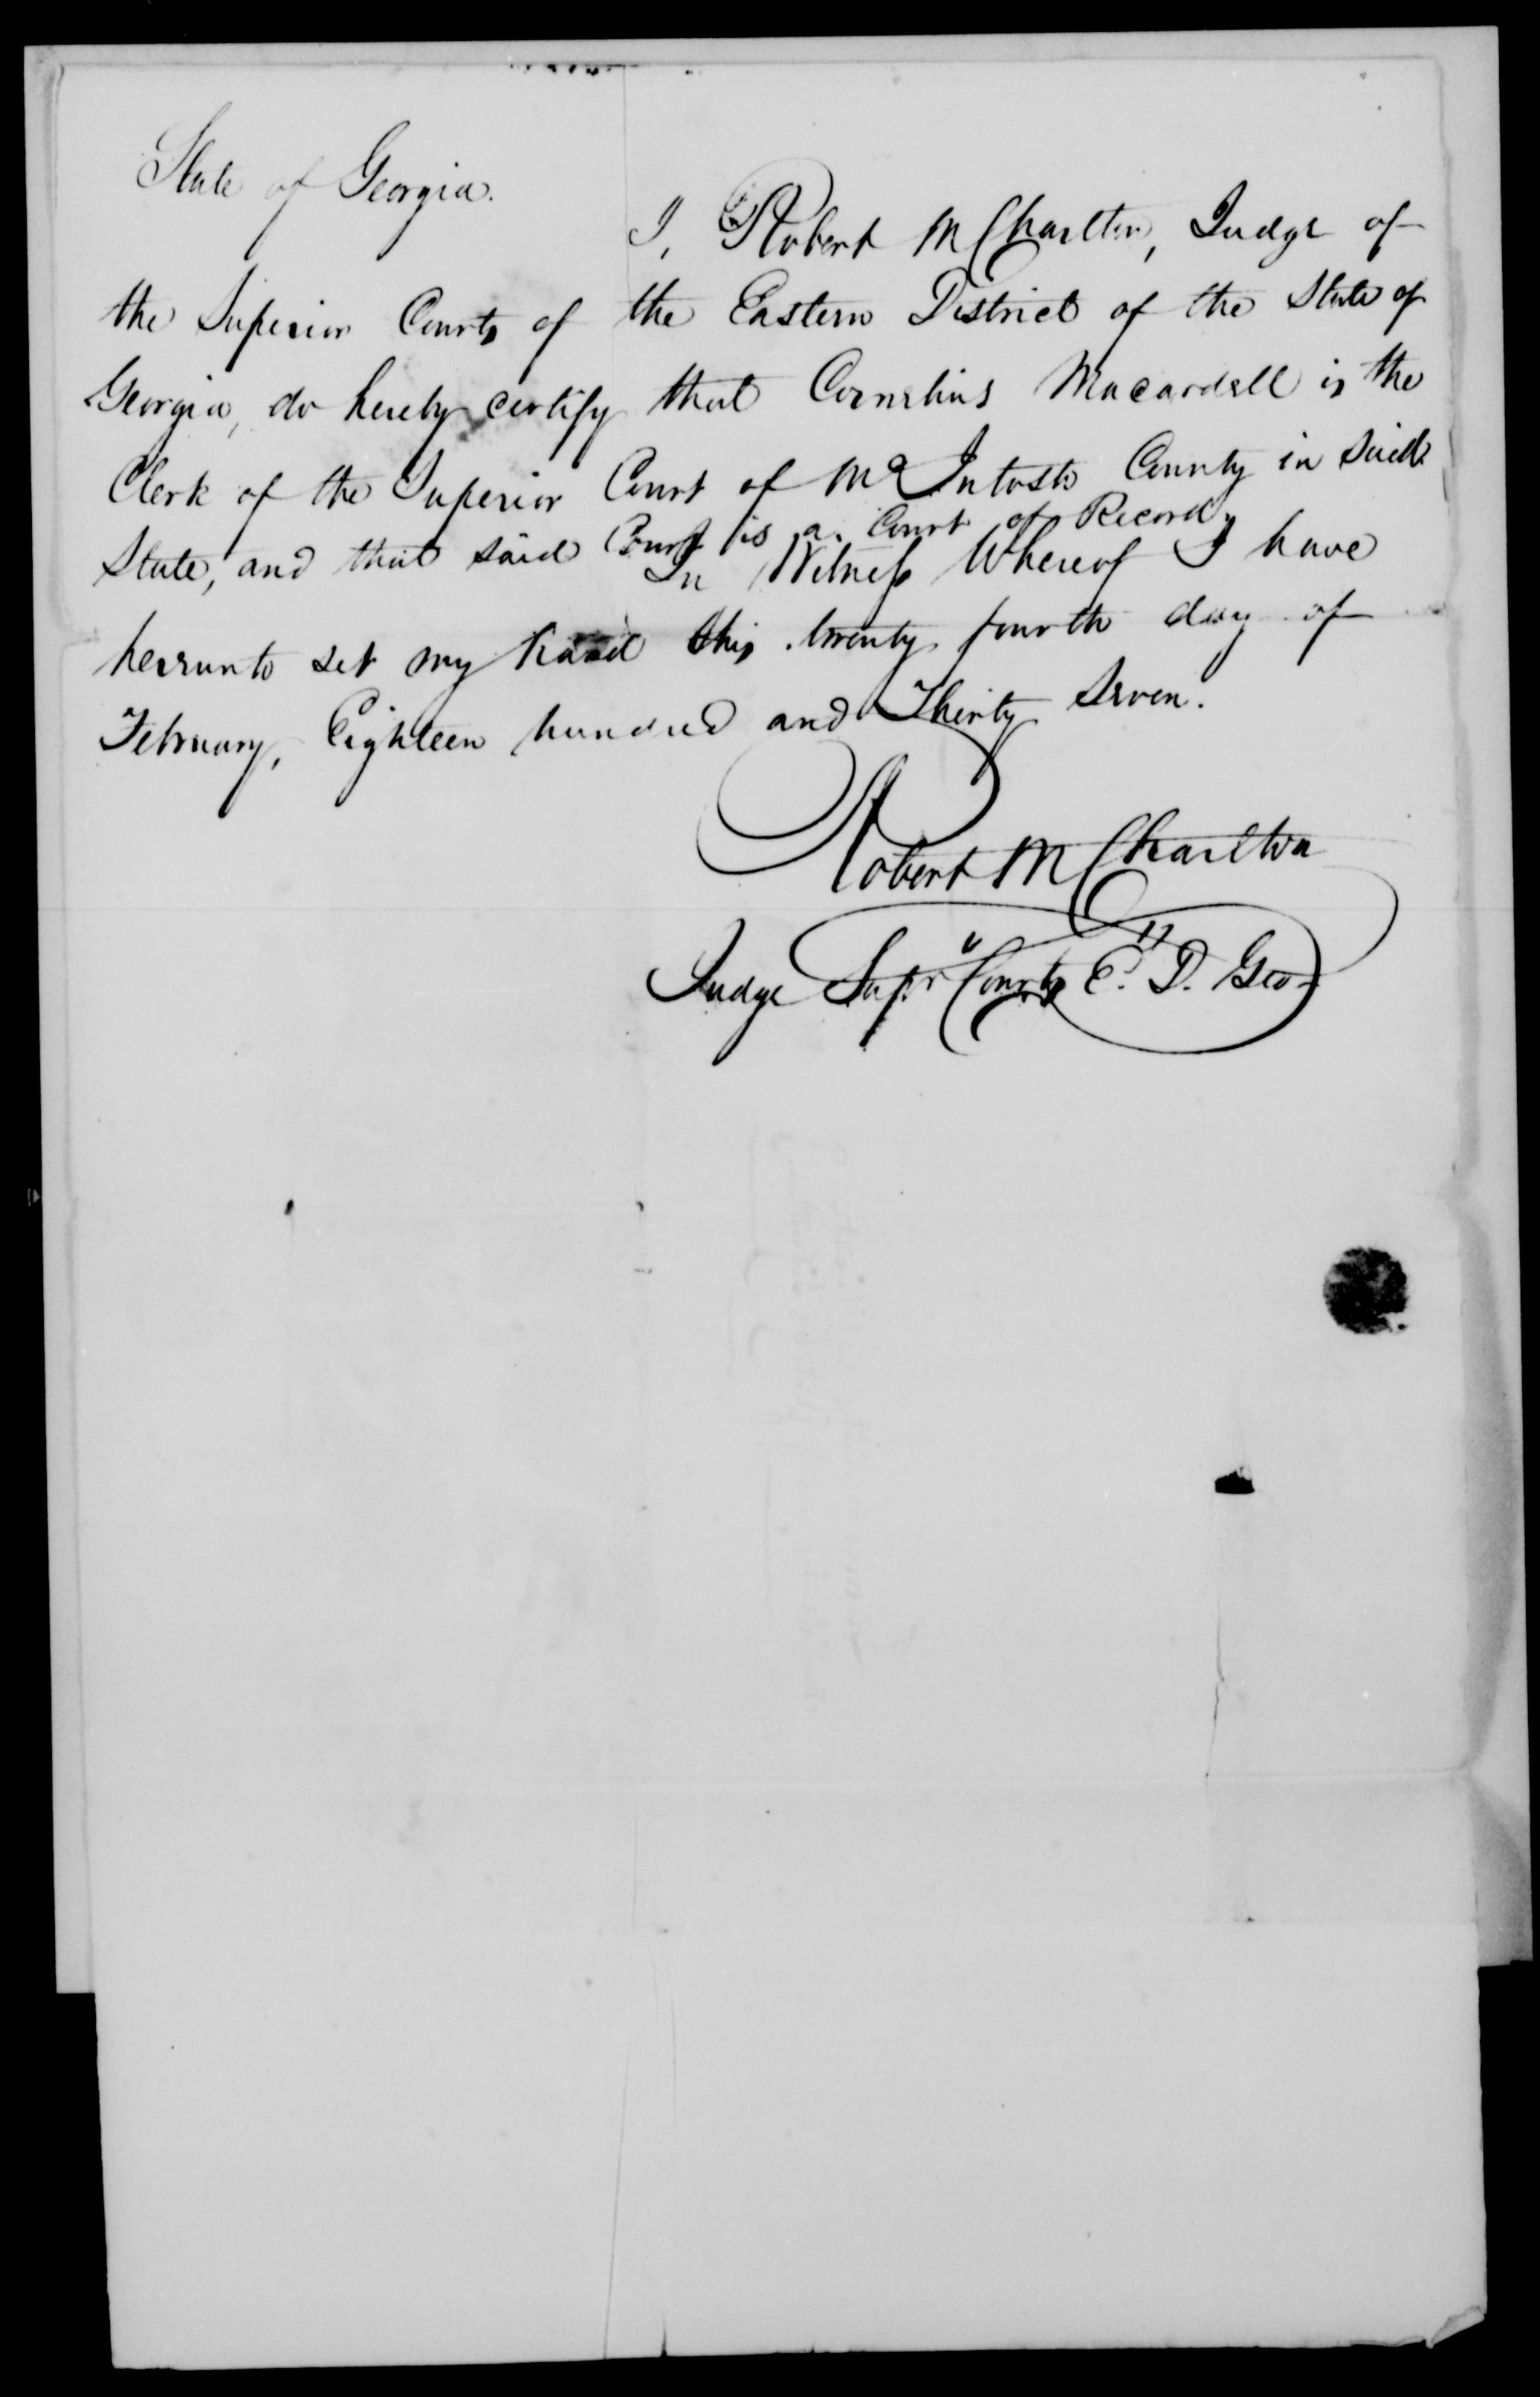State of Georgia
I, Robert M Charlton, Judge of the Superior Court of the Eastern District of the State of Georgia, do hereby certify that Cornelius Macardell is the Clerk of the Superior Court of McIntosh County in said State, and that said Court is a Court of Record. In Witness whereof I have hereunto set my hand this twenty fourth day of February, Eighteen hundred and Thirty Seven.
Robert M Charlton
Judge Supr. Court. E.D. Geo.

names: Cornelius Macardell; Robert M Charlton; Robert M Charlton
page: 12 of 21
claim: rejected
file: R. 9875, for William Smith, South Carolina